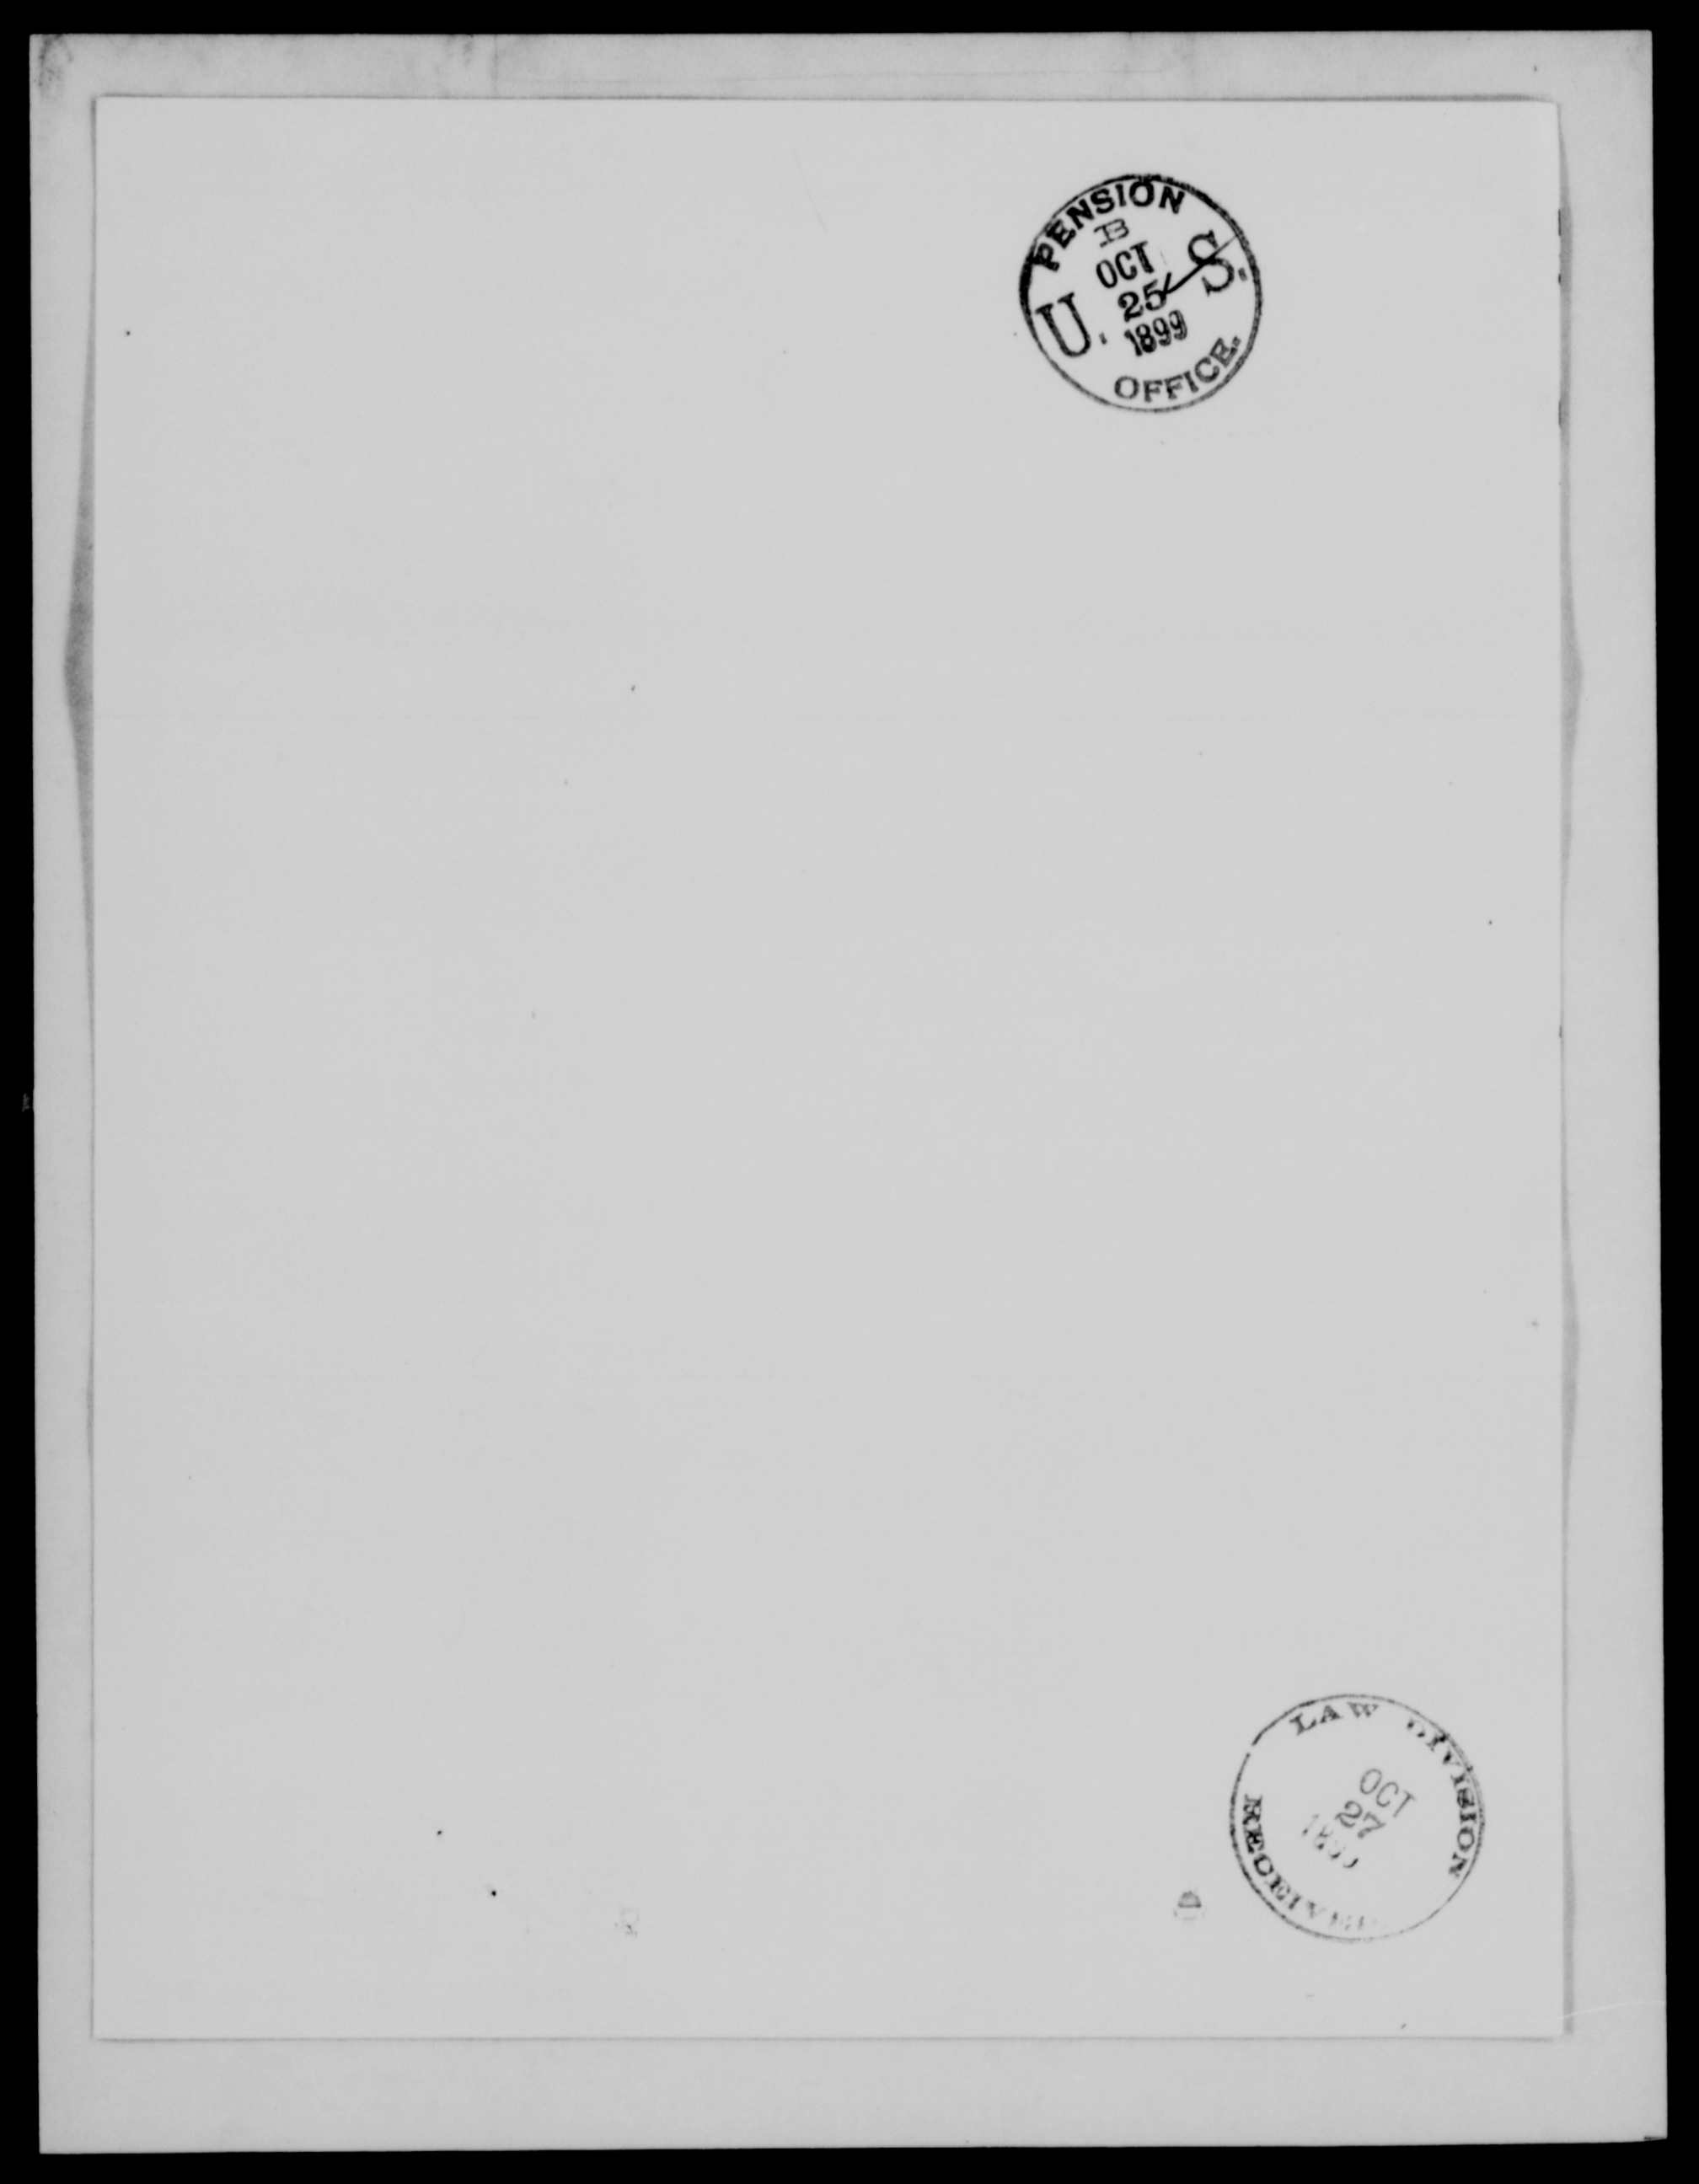[circular stamp]
U.S. PENSION OFFICE.
B
OCT 25 1899

[circular stamp]
LAW DIVISION RECEIVED
OCT 27 1899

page: 31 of 64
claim: widow's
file: W. 9,895, James Williams, Va